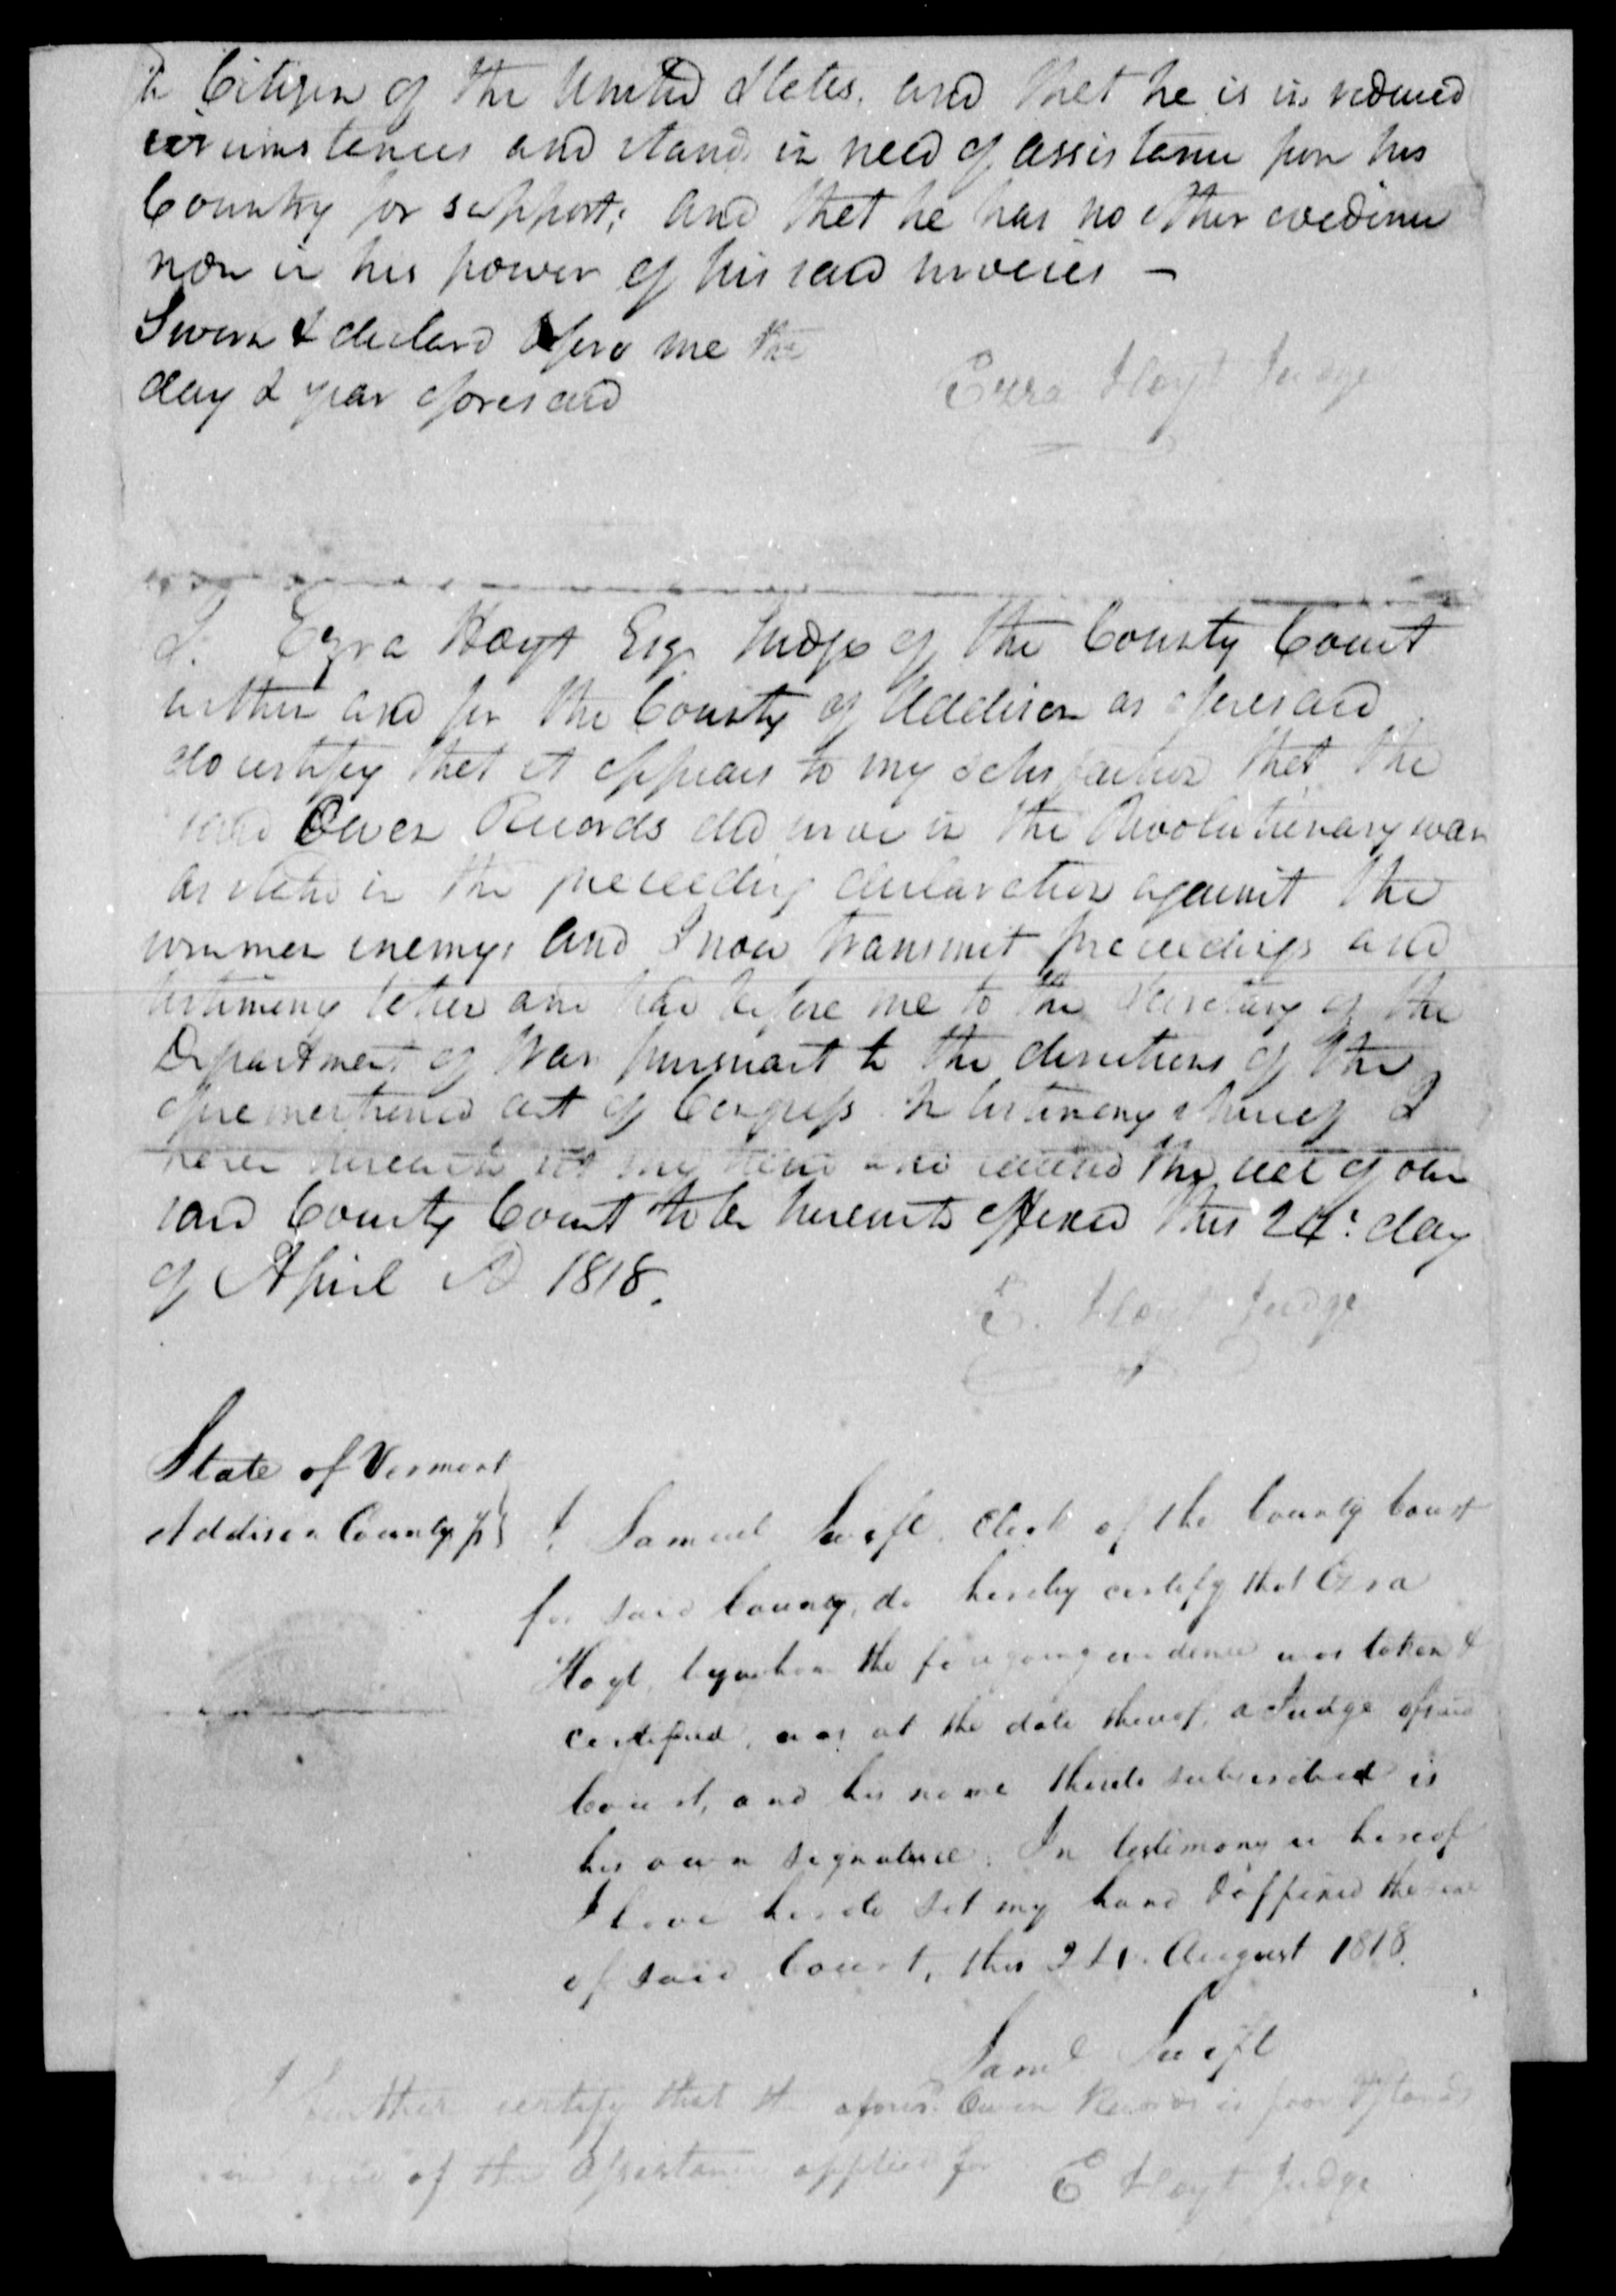a Citizen of the United States and that he is in reduced circumstances and stands in need of assistance from his Country for support. And that he has no other evidence now in his power of his said service -
Sworn & declared before me the day & year aforesaid
[signature] Ezra Hoyt Judge

I Ezra Hoyt Esq. Judge of the County Court within and for the County of Addison as aforesaid do certify that it appears to my satisfaction that the said Owen Records did serve in the Revolutionary war as stated in the preceding declaration against the common enemy, and I now transmit proceedings and testimony [illegible] and had before me to the Secretary of the Department of War pursuant to the Secretary of the aforementioned act of Congress In testimony whereof I have herewith set my hand and [illegible] the seal of the said County Court to be hereunto affixed this 24th day of April AD 1818.
[signature] Ezra Hoyt Judge

State of Vermont
Addison County ss ⎬ I Samuel Swift clerk of the County Court for said County do hereby certify that Ezra Hoyt by whom the foregoing evidence was taken & certified, was at the date thereof, a Judge of said Court, and his name thereto subscribed is his own signature. In testimony in hereof I have hereto set my hand & affixed the seal of said Court, this 24 August 1818.
[signature] Saml. Swift

[illegible Court Seal affixed upper left]

I further certify that the aforesaid Owen Records is poor & stands in need of the Assistance applied for.
[signature] E. Hoyt Judge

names: Owen Records; Ezra Hoyt; Ezra Hoyt; Ezra Hoyt; Owen Records; E Hoyt; Samuel Swift; E Hoyt; Saml Swift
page: 4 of 12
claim: survivor's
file: S. 41977, for Owen Records, Rhode Island